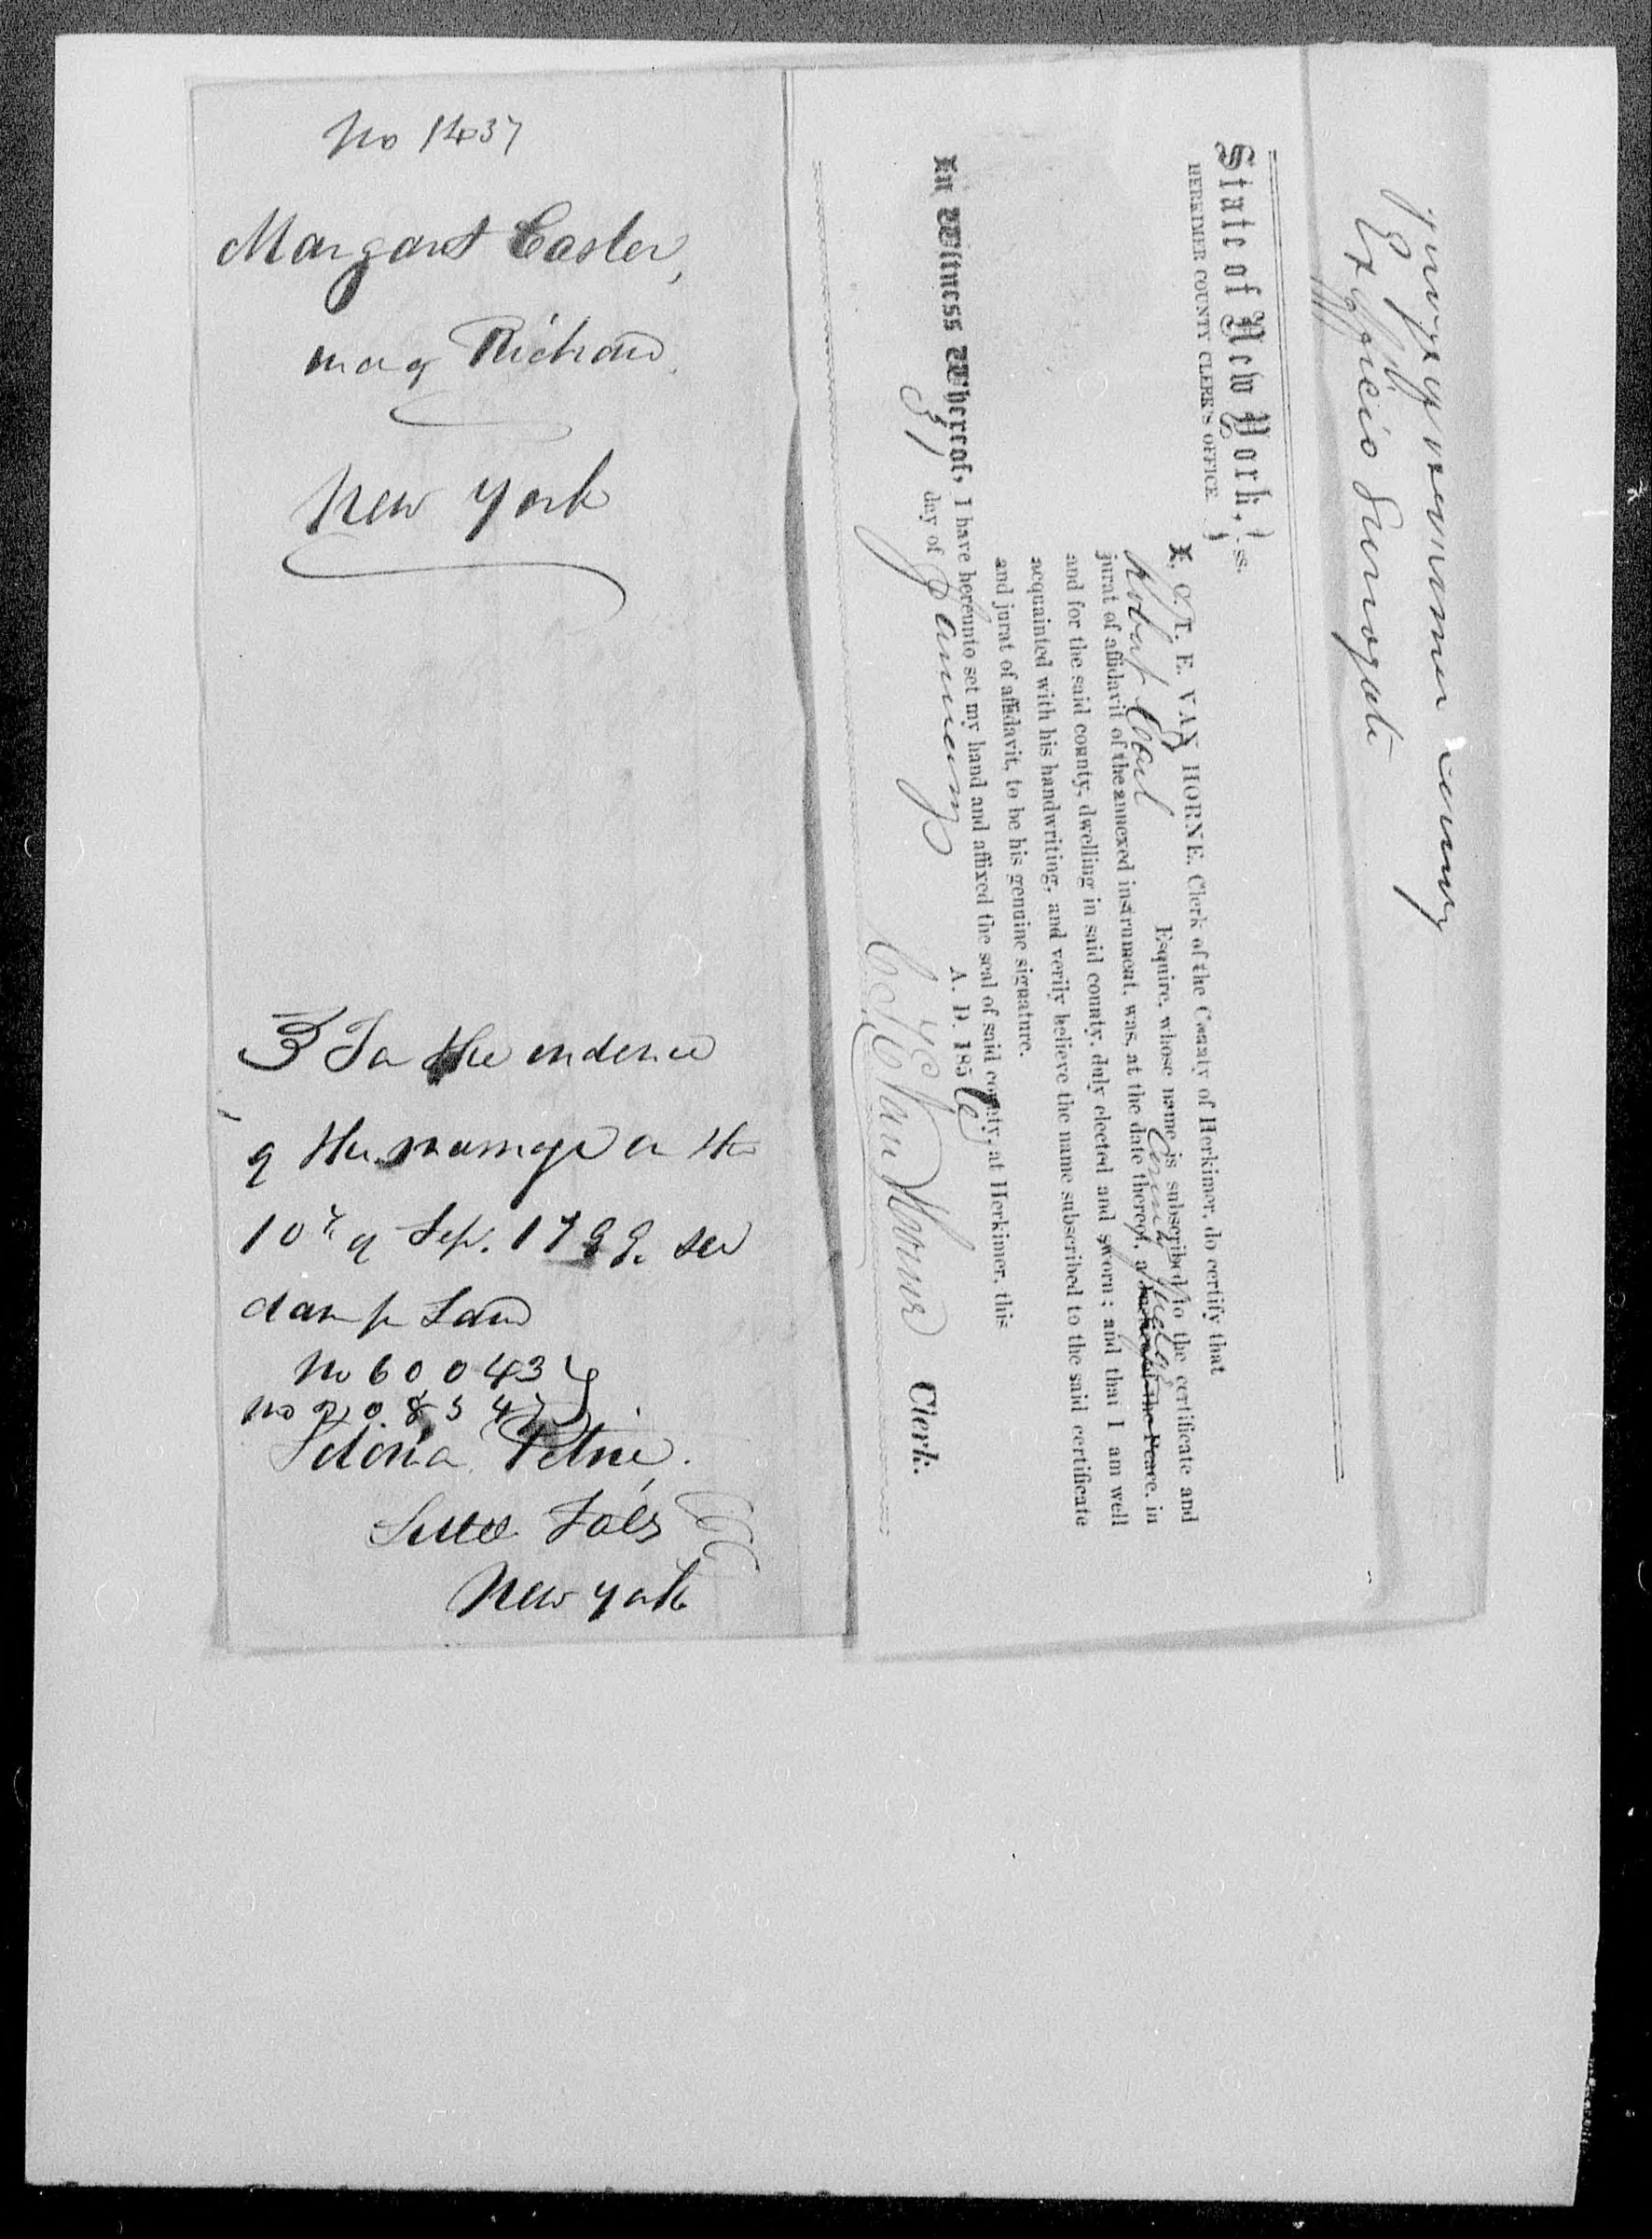No 1437 
Margaret Casler, 
wid of Richard 
New York 
To the evidence of the marriage on the 10th of Sep. 1799 see claim for Land No 60043 
And 20.8347
[Solomon] A. Petrie
Little Falls 
New York

State of New York,
HERKIMER COUNTY CLERK' S OFFICE } ss.
I, C. T. E. Van Horne Clerk of the County of Herkimer, do certify that Robert Earl Esquire, whose name is subscribed to the certificate and jurat of affidavit of the annexed instrument, was, at the date thereof, a County Judge, in and for the said county, dwelling in said county, duly elected and sworn; and that I am well acquainted with his handwriting, and verily believe the name subscribed to the said certificate and jurat of affidavit, to be his genuine signature.
In Witness Whereof, I have hereunto set my hand and affixed the seal of said county, at Herkimer, this 31 day of January A.D. 1856
[signed] C. T. E. Van Horne Clerk.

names: C T E Van Horne, C T E Van Horne, Selina Petrie, Margaret Casler, Richard Casler, Robert Earl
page: 25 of 66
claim: widow's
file: W. 6637, Richard Caslar, New York